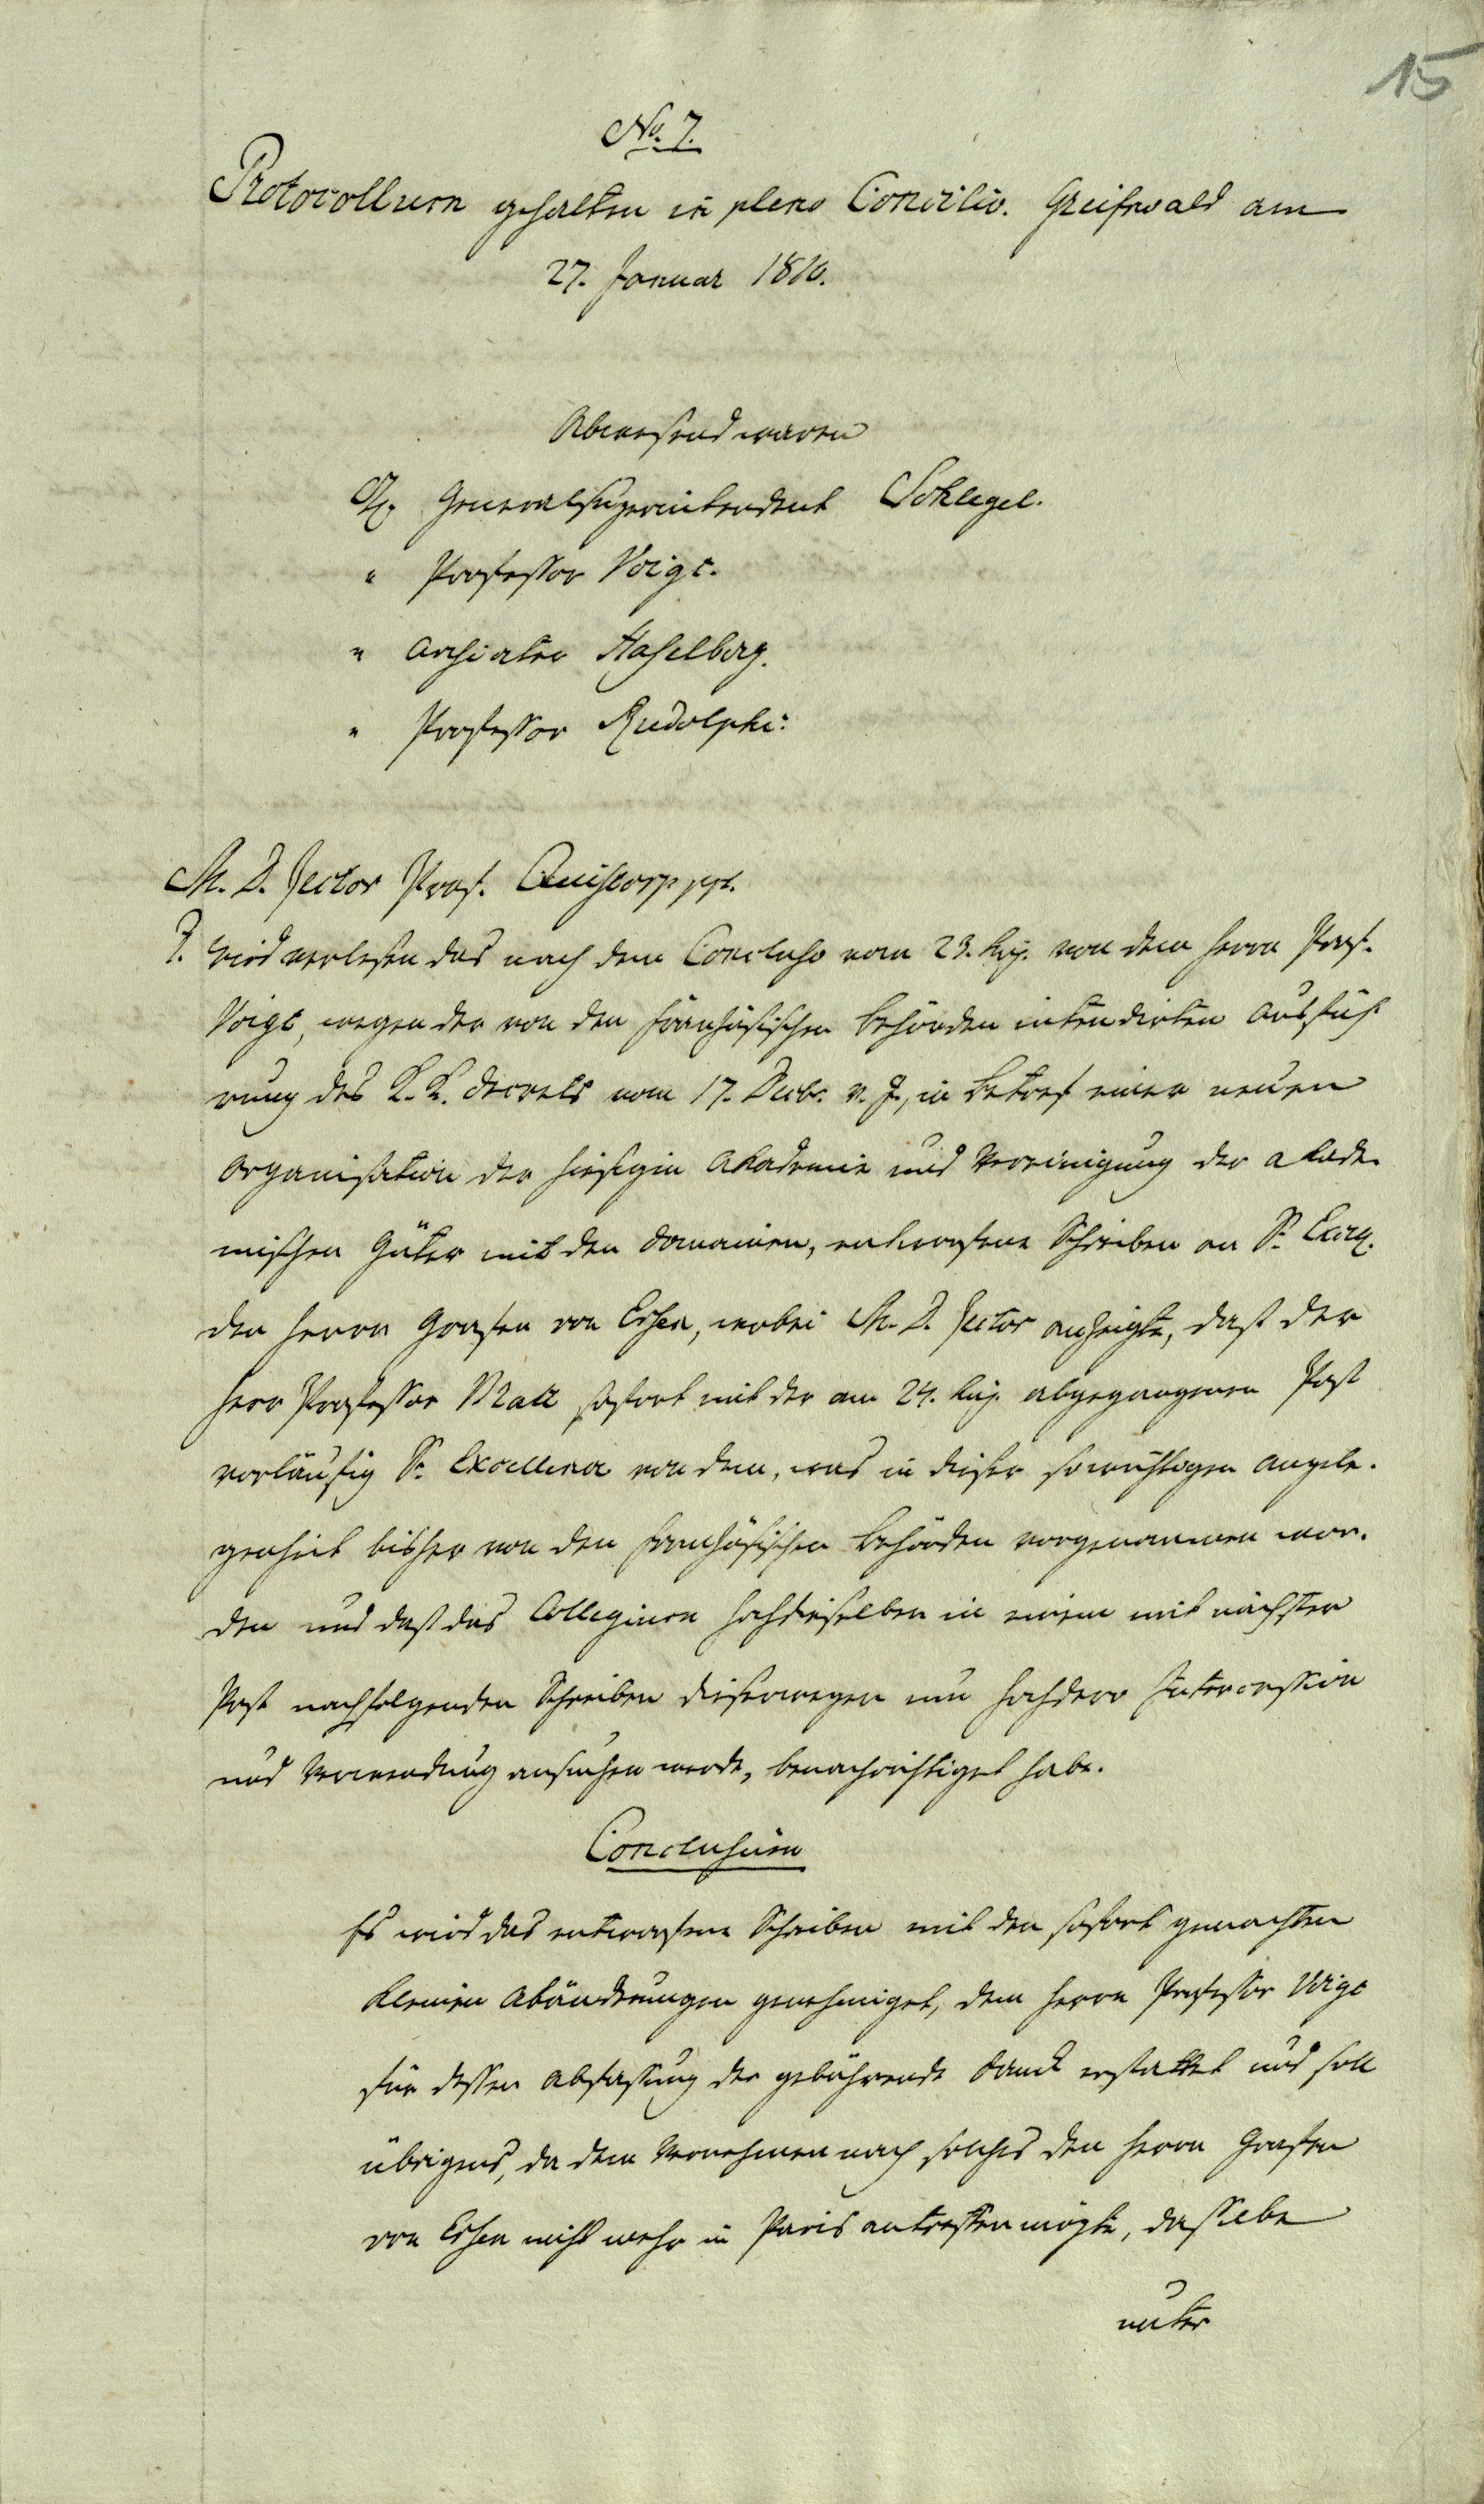No 7.
Protocollum gehalten in pleno Concilio. Greifswald am
27. Januar 1810.
Abwesend waren
dh. Generalsuperintendent Schlegel.
Professor Voigt.
Archiater Haselberg.
Professor Rudolphi
M. D. Rector Prof. Quistorp. ppr.
1. Wird verlesen das nach dem Concluso vom 23. huj. von dem Herrn Prof.
Voigt, wegen der von den Französischen Behörden intendirten Ausfüh¬
rung des K K. Decrets vom 17. Decbr. v. J. in Betref einer neuen
Organisation der hiesigen Akademie und Vereinigung der akade¬
mischen Güter mit den Domainen, entworfene Schreiben an Sr Excel.
der Herrn Grafen von Essen, wobei M. D. Rector anzeigte, daß der
Herr Professor Bratt sofort mit der am 24. huj. abgegangenen Post
vorläufig Sr Excellence von dem, was in dieser so wichtigen Angele¬
genheit bisher von den Französischen Behörden vorgenommen wor¬
den und daß das Collegium hochdieselben in einem mit nächster
Post nachfolgenden Schreiben dieserwegen um hochdero Intercession
und Verwendung ansuchen werde, benachrichtiget habe.
Conclusum
Es wird das entworfene Schreiben mit den sofort gemachten
kleinen Abänderungen genehmiget, dem Herrn Professor Voigt
für dessen Abfassung der gebührende Dank erstattet und soll
übrigens, da dem Vernehmen nach solches den Herrn Grafen
von Essen nicht mehr in Paris antreffen mögte, dasselbe
unter